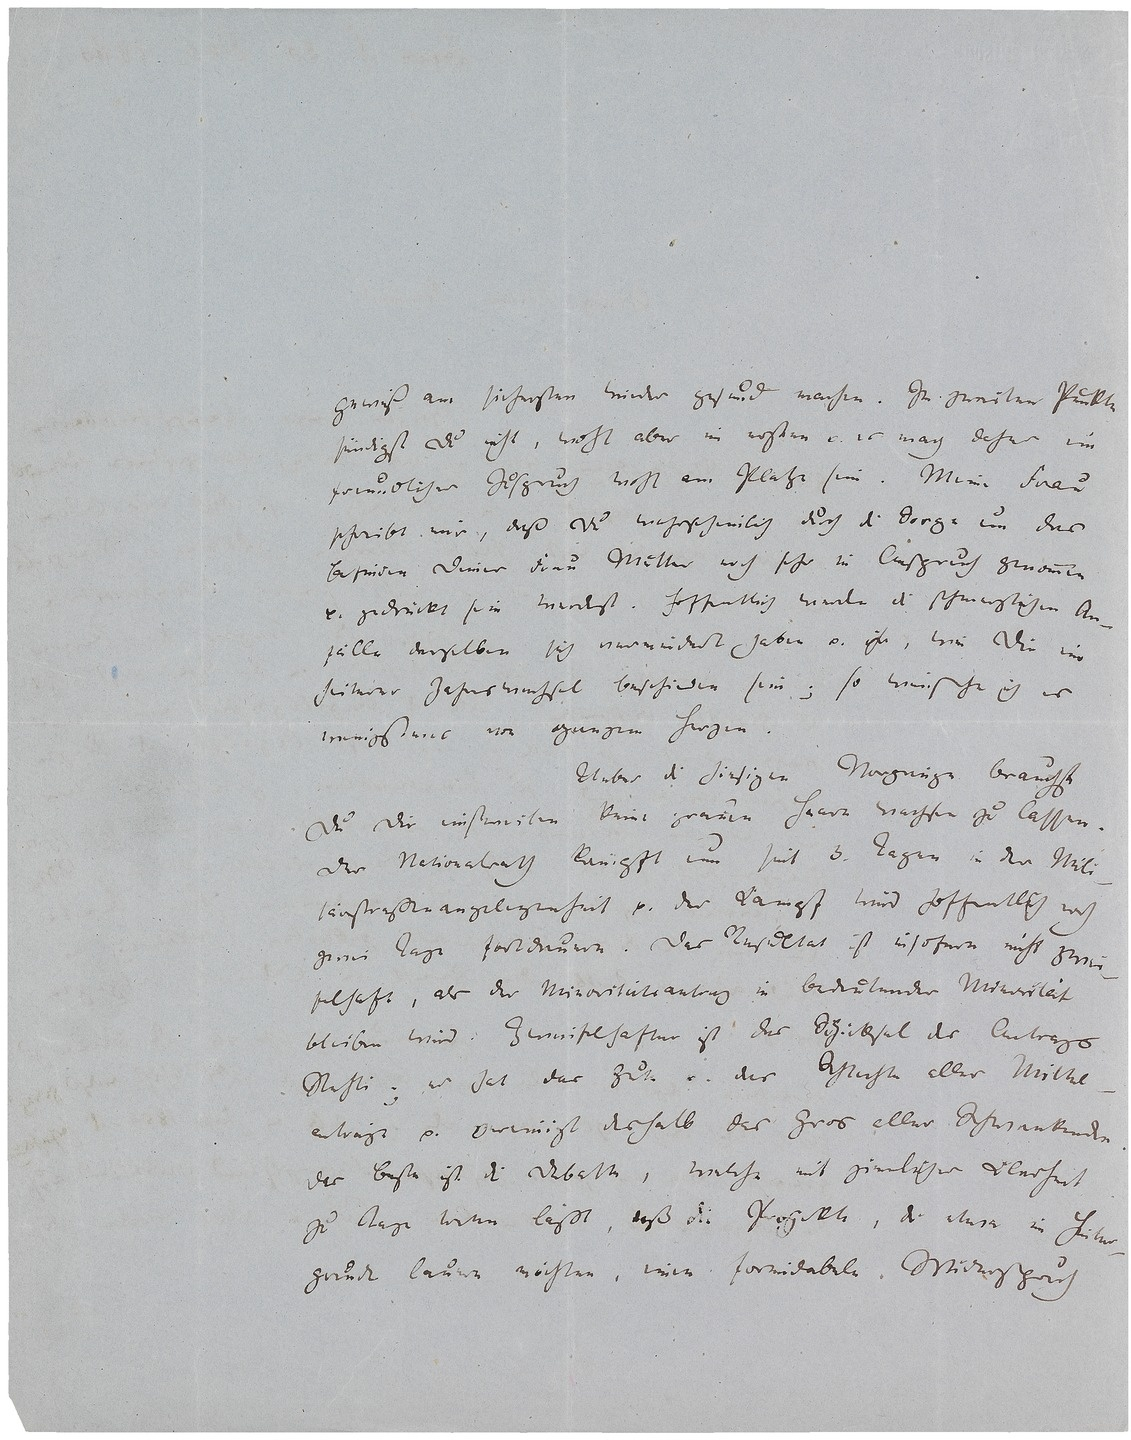gewiß am sichersten wieder gesund machen. Im zweiten Punkte
sündigst Du nicht, wohl aber im ersten &. es mag daher ein
freundlicher Zuspruch wohl am Platze sein. Meine Frau
schreibt mir, daß Du wahrscheinlich durch die Sorge um das
Befinden Deiner Frau Mutter noch sehr in Anspruch genommen
&. gedrückt sein werdest. Hoffentlich werden die schmerzlichen An-
fälle derselben sich vermindert haben &. ihr, wie Dir ein
heiterer Jahreswechsel beschieden sein; so wünsche ich es
wenigstens von ganzem Herzen.
Ueber die hiesigen Vorgänge brauchst
Du Dir einstweilen keine grauen Haare wachsen zu lassen.
Der Nationalrath kämpft nun seit 3. Tagen in der Mili-
tärstrassenangelegenheit &. der Kampf wird hoffentlich noch
zwei Tage fortdauern. Das Resultat ist insofern nicht zwei-
felhaft, als der Minoritätsantrag in bedeutender Minorität
bleiben wird. Zweifelhafter ist das Schicksal des Antrags
Stehli; er hat das Gute &. das Schlechte aller Mittel-
anträge &. vereinigt deshalb das Gros aller Schwankenden.
Das Beste ist die Debatte, welche mit ziemlicher Klarheit
zu Tage treten läßt, daß die Projekte, die etwa im Hinter-
grunde lauern möchten, einen formidabeln Widerspruch